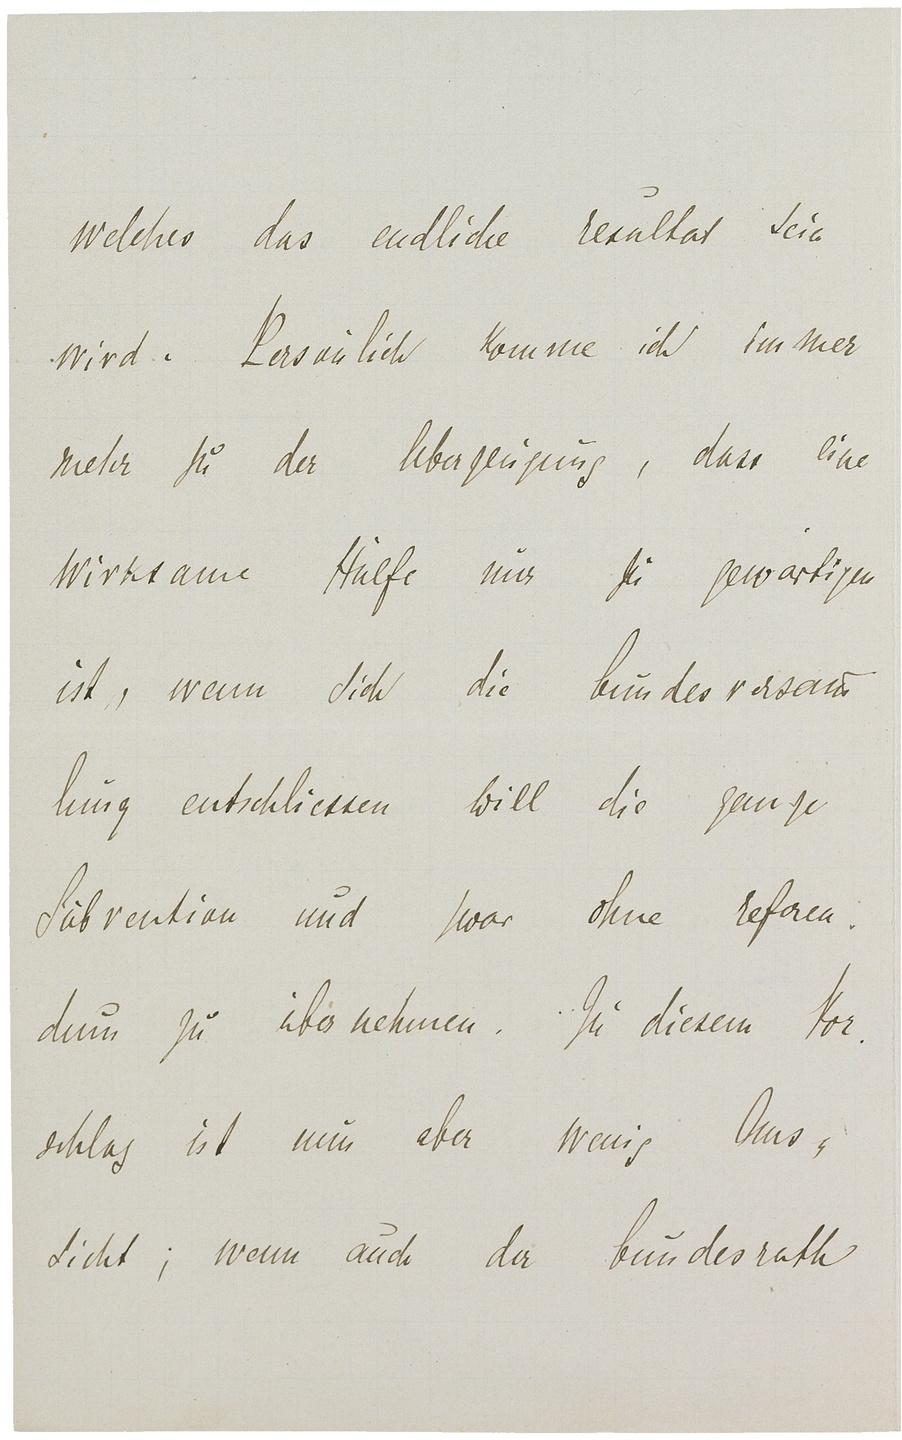welches das endliche Resultat sein
wird. Persönlich komme ich immer
mehr zu der Überzeugung, dass eine
wirksame Hülfe nur zu gewärtigen
ist, wenn sich die Bundesversamm-
lung entschliessen will die ganze
Subvention und zwar ohne Referen-
dum zu übernehmen. Zu diesem Vor-
schlag ist nun aber wenig Aus-
sicht; wenn auch der Bundesrath